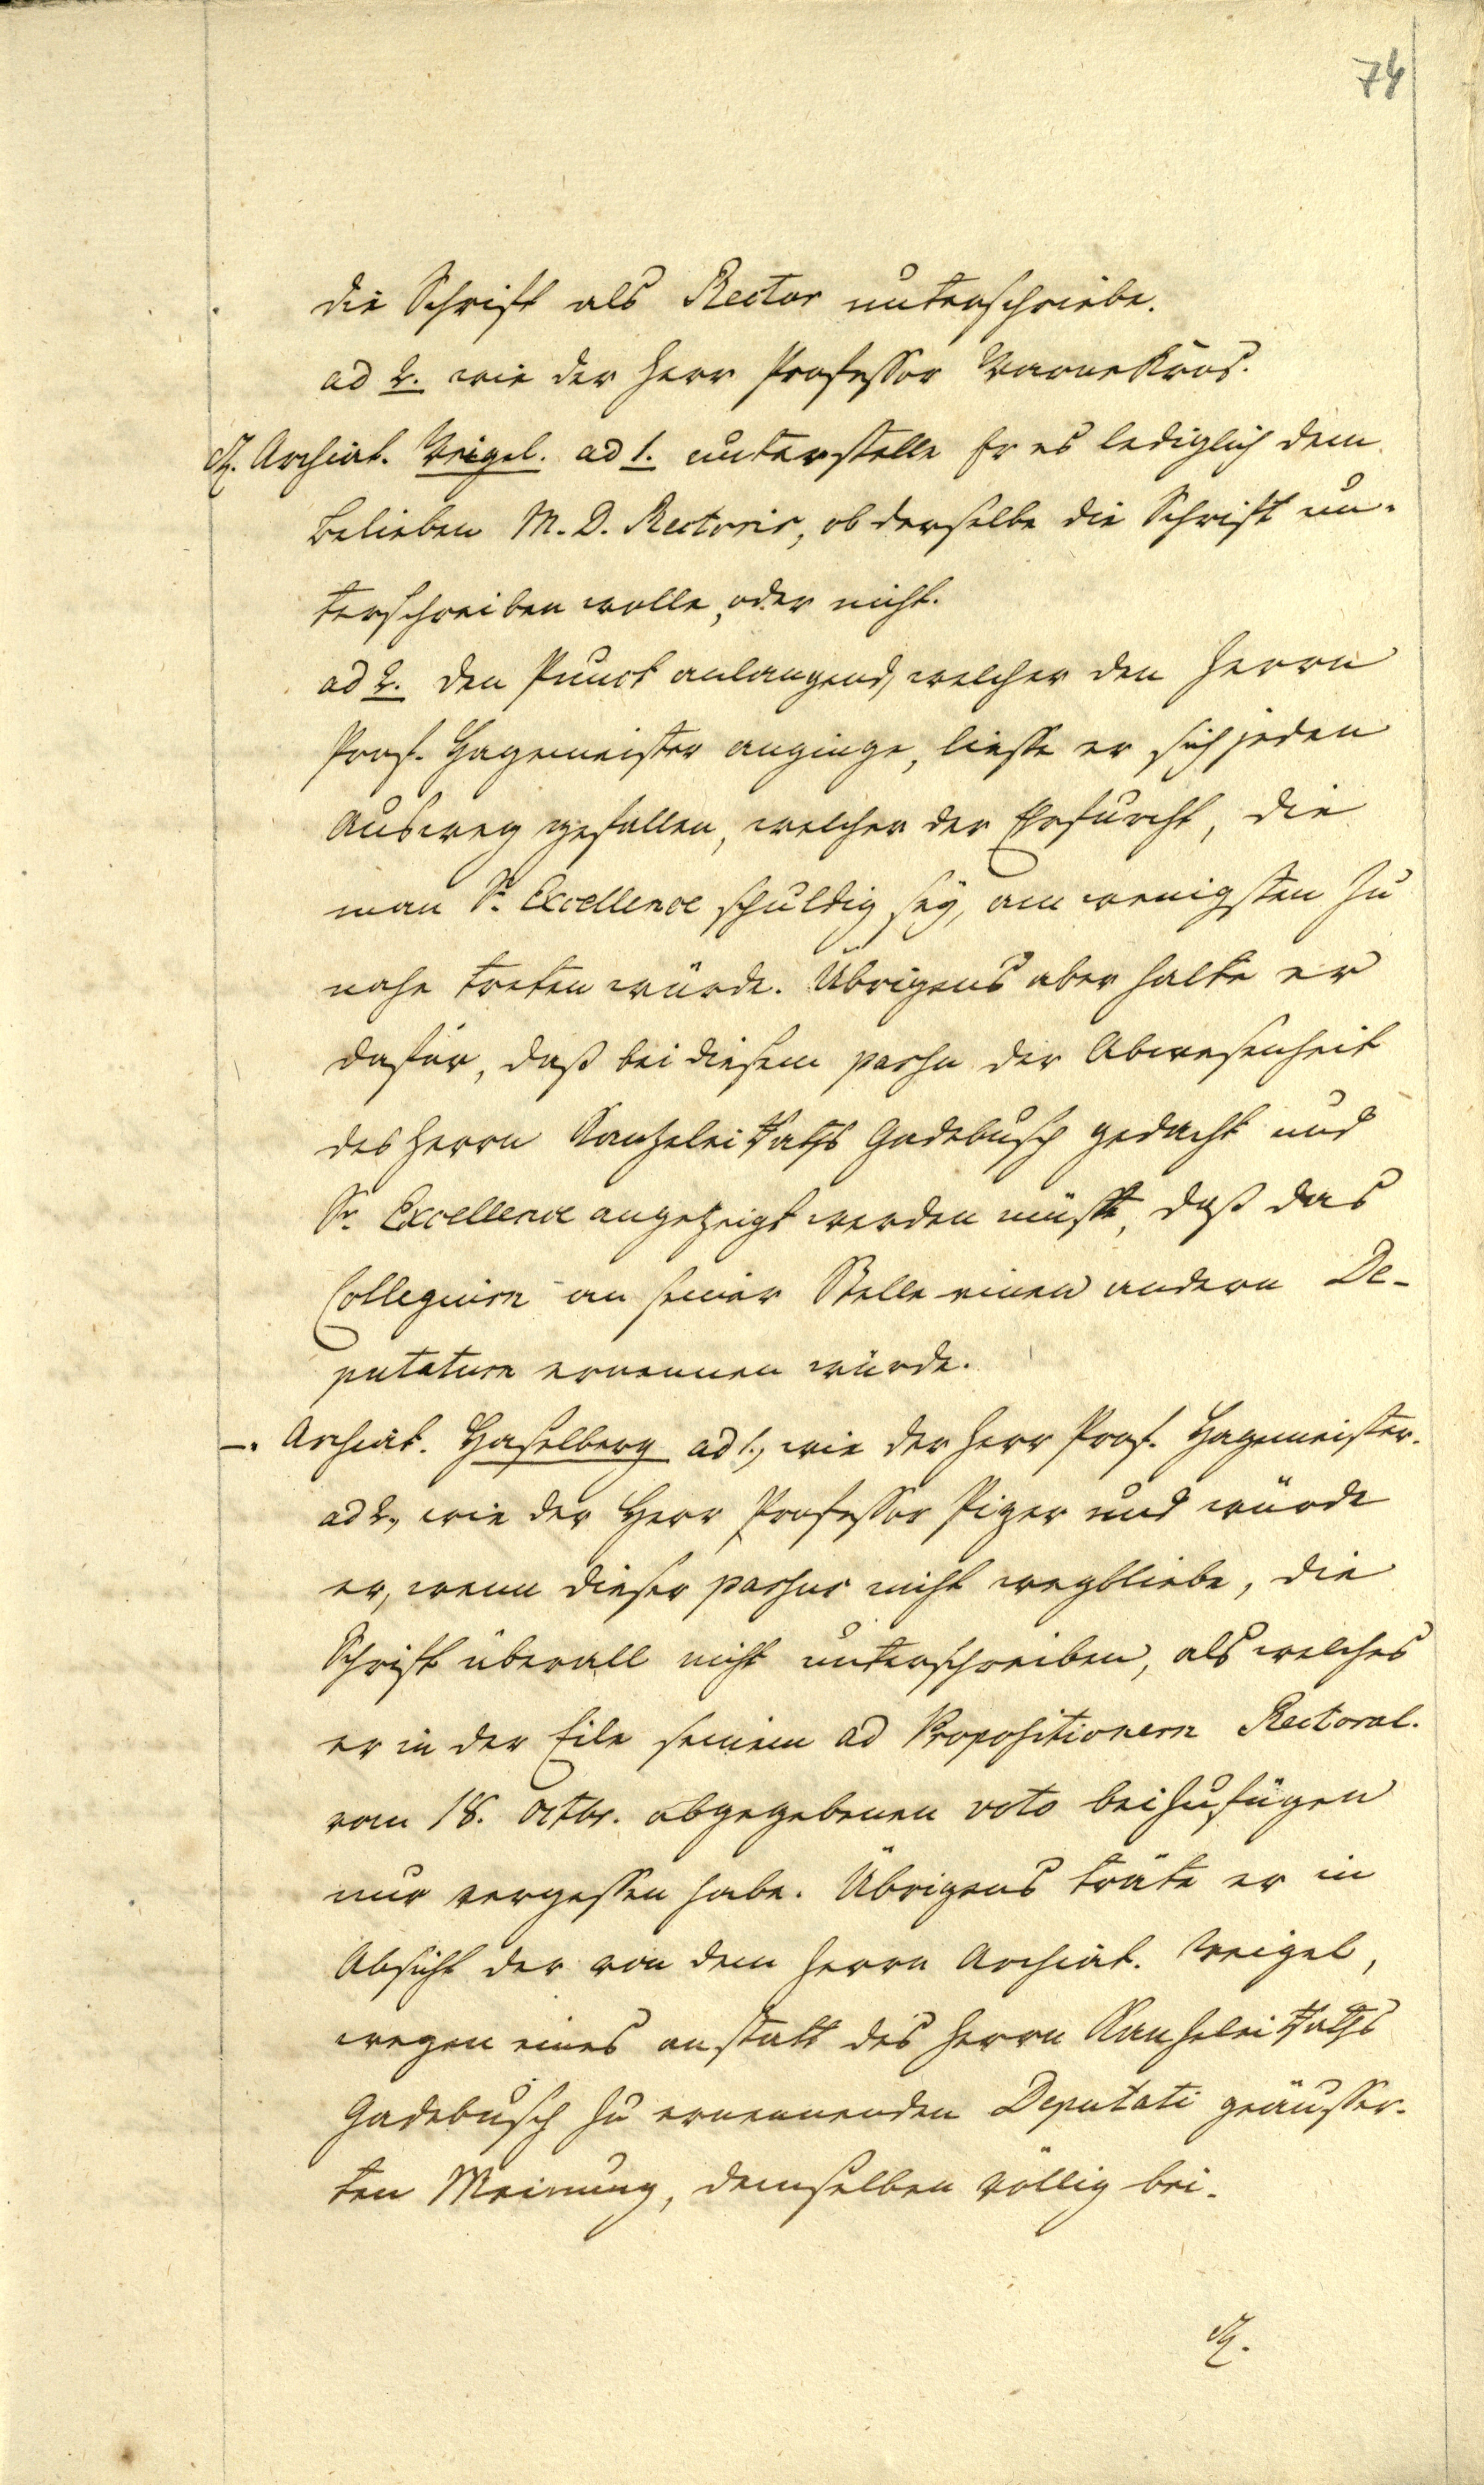die Schrift als Rector unterschriebe.
ad 2. wie der Herr Professor Warnekros.
dh. Archiat. Weigel. ad 1. unterstelle Er es lediglich dem
Belieben M. D. Rectoris, ob derselbe die Schrift un¬
terschreiben wolle, oder nicht.
ad 2., den Punct anlangend, welcher den Herrn
Prof. Hagemeister anginge, liesse er sich jeden
Ausweg gefallen, welcher der Ehrfurcht, die
man S. Excellence schuldig seÿ, am wenigsten zu
nahe treten würde. Übrigens aber halte er
dafür, daß bei diesem passu der Abwesenheit
des Herrn Kanzelei Raths Gadebusch gedacht und
Sr. Excellence angezeigt werden müßte, daß das
Collegium an seiner Stelle einen andern De¬
putatum ernennen würde.
Archiat. Haselberg ad 1, wie der Herr Prof. Hagemeister.
ad 2., wie der Herr Professor Piper und würde
er, wenn dieser passus nicht wegbliebe, die
Schrift überall nicht unterschreiben, als welches
er in der Eile seinem ad Propositionem Rectoral.
vom 18. Octbr. abgegebenen voto beizufügen
nur vergessen habe. Übrigens träte er in
Absicht der von dem Herrn Archiat. Weigel,
wegen eines anstatt des Herrn Kanzelei Raths
Gadebusch zu ernennenden Deputati geäusser¬
ten Meinung, demselben völlig bei.
dh.